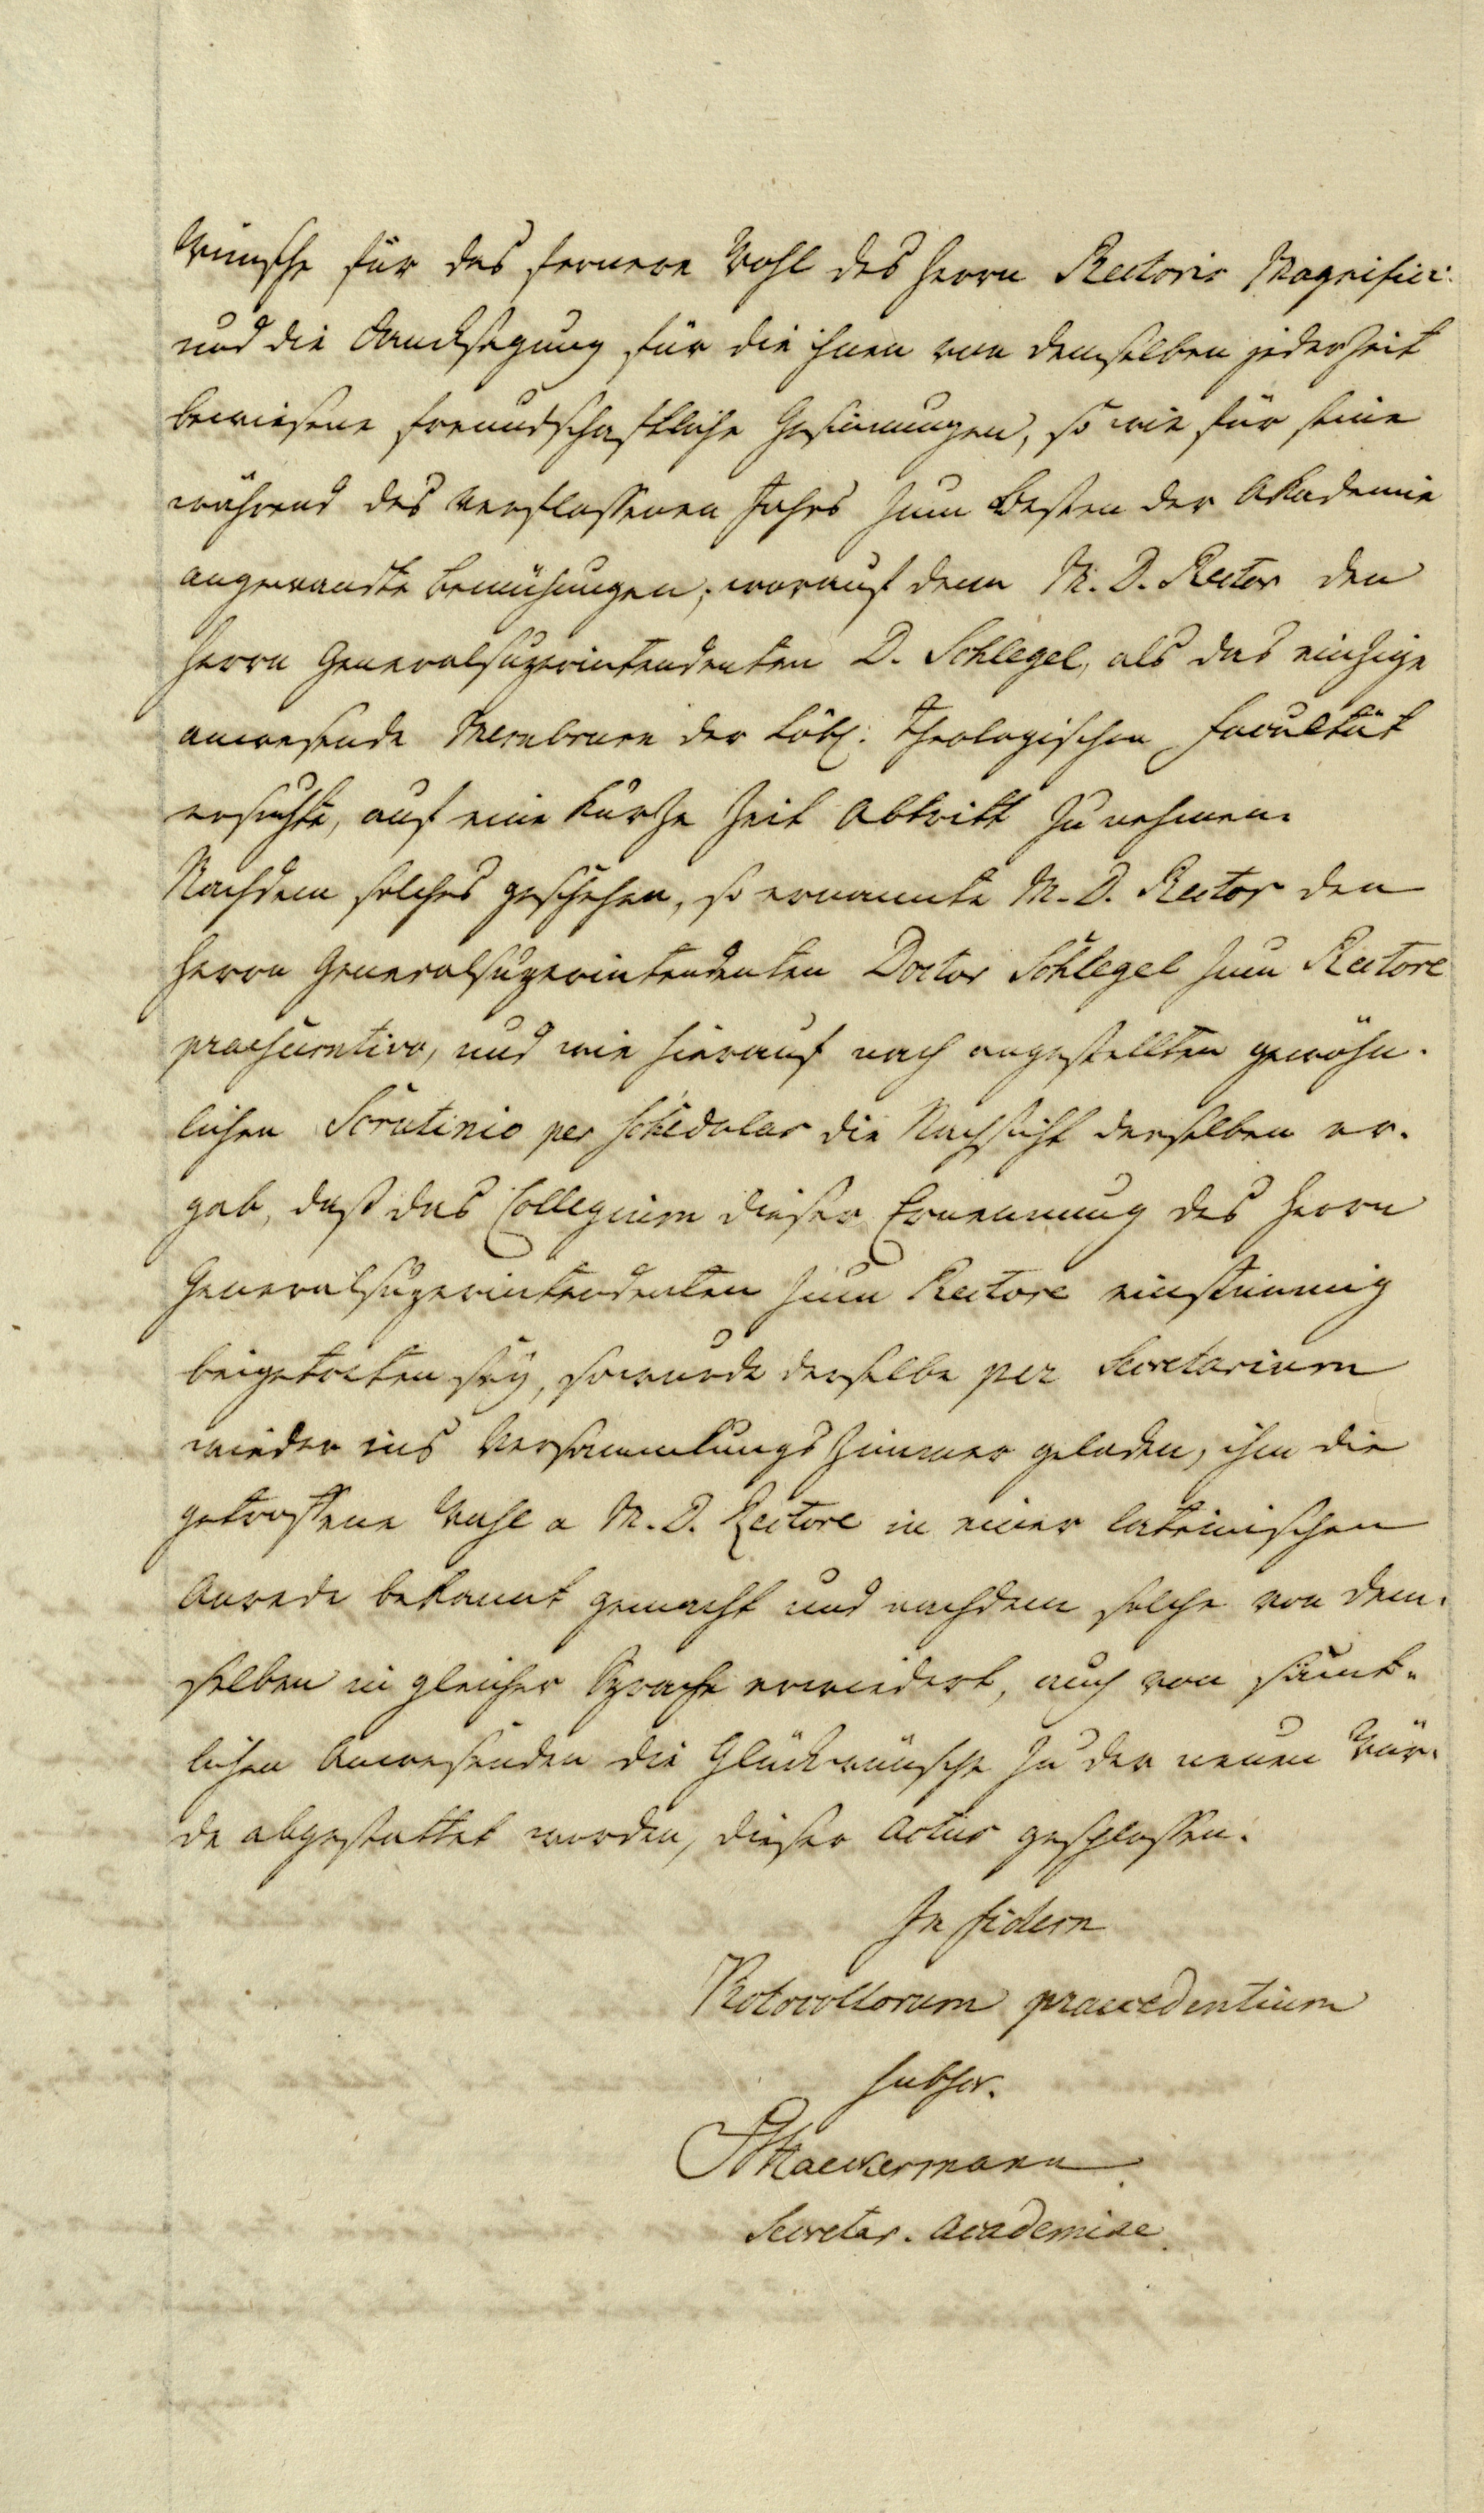Wünsche für des fernere Wohl des Herrn Rectoris Magnifici
und die Dancksagung für die ihnen von demselben jederzeit
bewiesene freundschaftliche Gesinnungen, so wie für seine
während des verflossenen Jahres zum Besten der Akademie
angewandte Bemühungen, worauf denn M. D. Rector. den
Herrn Generalsuperintendenten D. Schlegel, als das einzige
anwesende Membrum der Löbl. Theologischen Facultät
ersuchte, auf eine kurze Zeit Abtritt zu nehmen.
Nachdem solches geschehen, so ernannte M. D. Rector den
Herrn Generalsuperintendenten Doctor Schlegel zum Rectore
praesumtivo, und wie hierauf nach angestellten gewöhn
lichen Scrutinio per schedulas die Nachsicht derselben er¬
gab, daß das Collegium dieser Ernennung des Herrn
Generalsuperintendenten zum Rectore einstimmig
beigetreten seÿ, so wurde derselbe per Secretarium
wieder ins VersammlungsZimmer geladen, ihm die
getroffene Wahl a M. D. Rectore in einer lateinischen
Anrede bekannt gemacht und nachdem solche von dem¬
selben in gleicher Sprache erwiedert, auch von sämt¬
lichen Anwesenden die Glückwünsche zu der neuen Wür¬
de abgestattet worden, dieser Actis geschlossen.
In fidem
Protocollorum praecedentium
subser.
JTHaeckermann
Seretar. Academiae